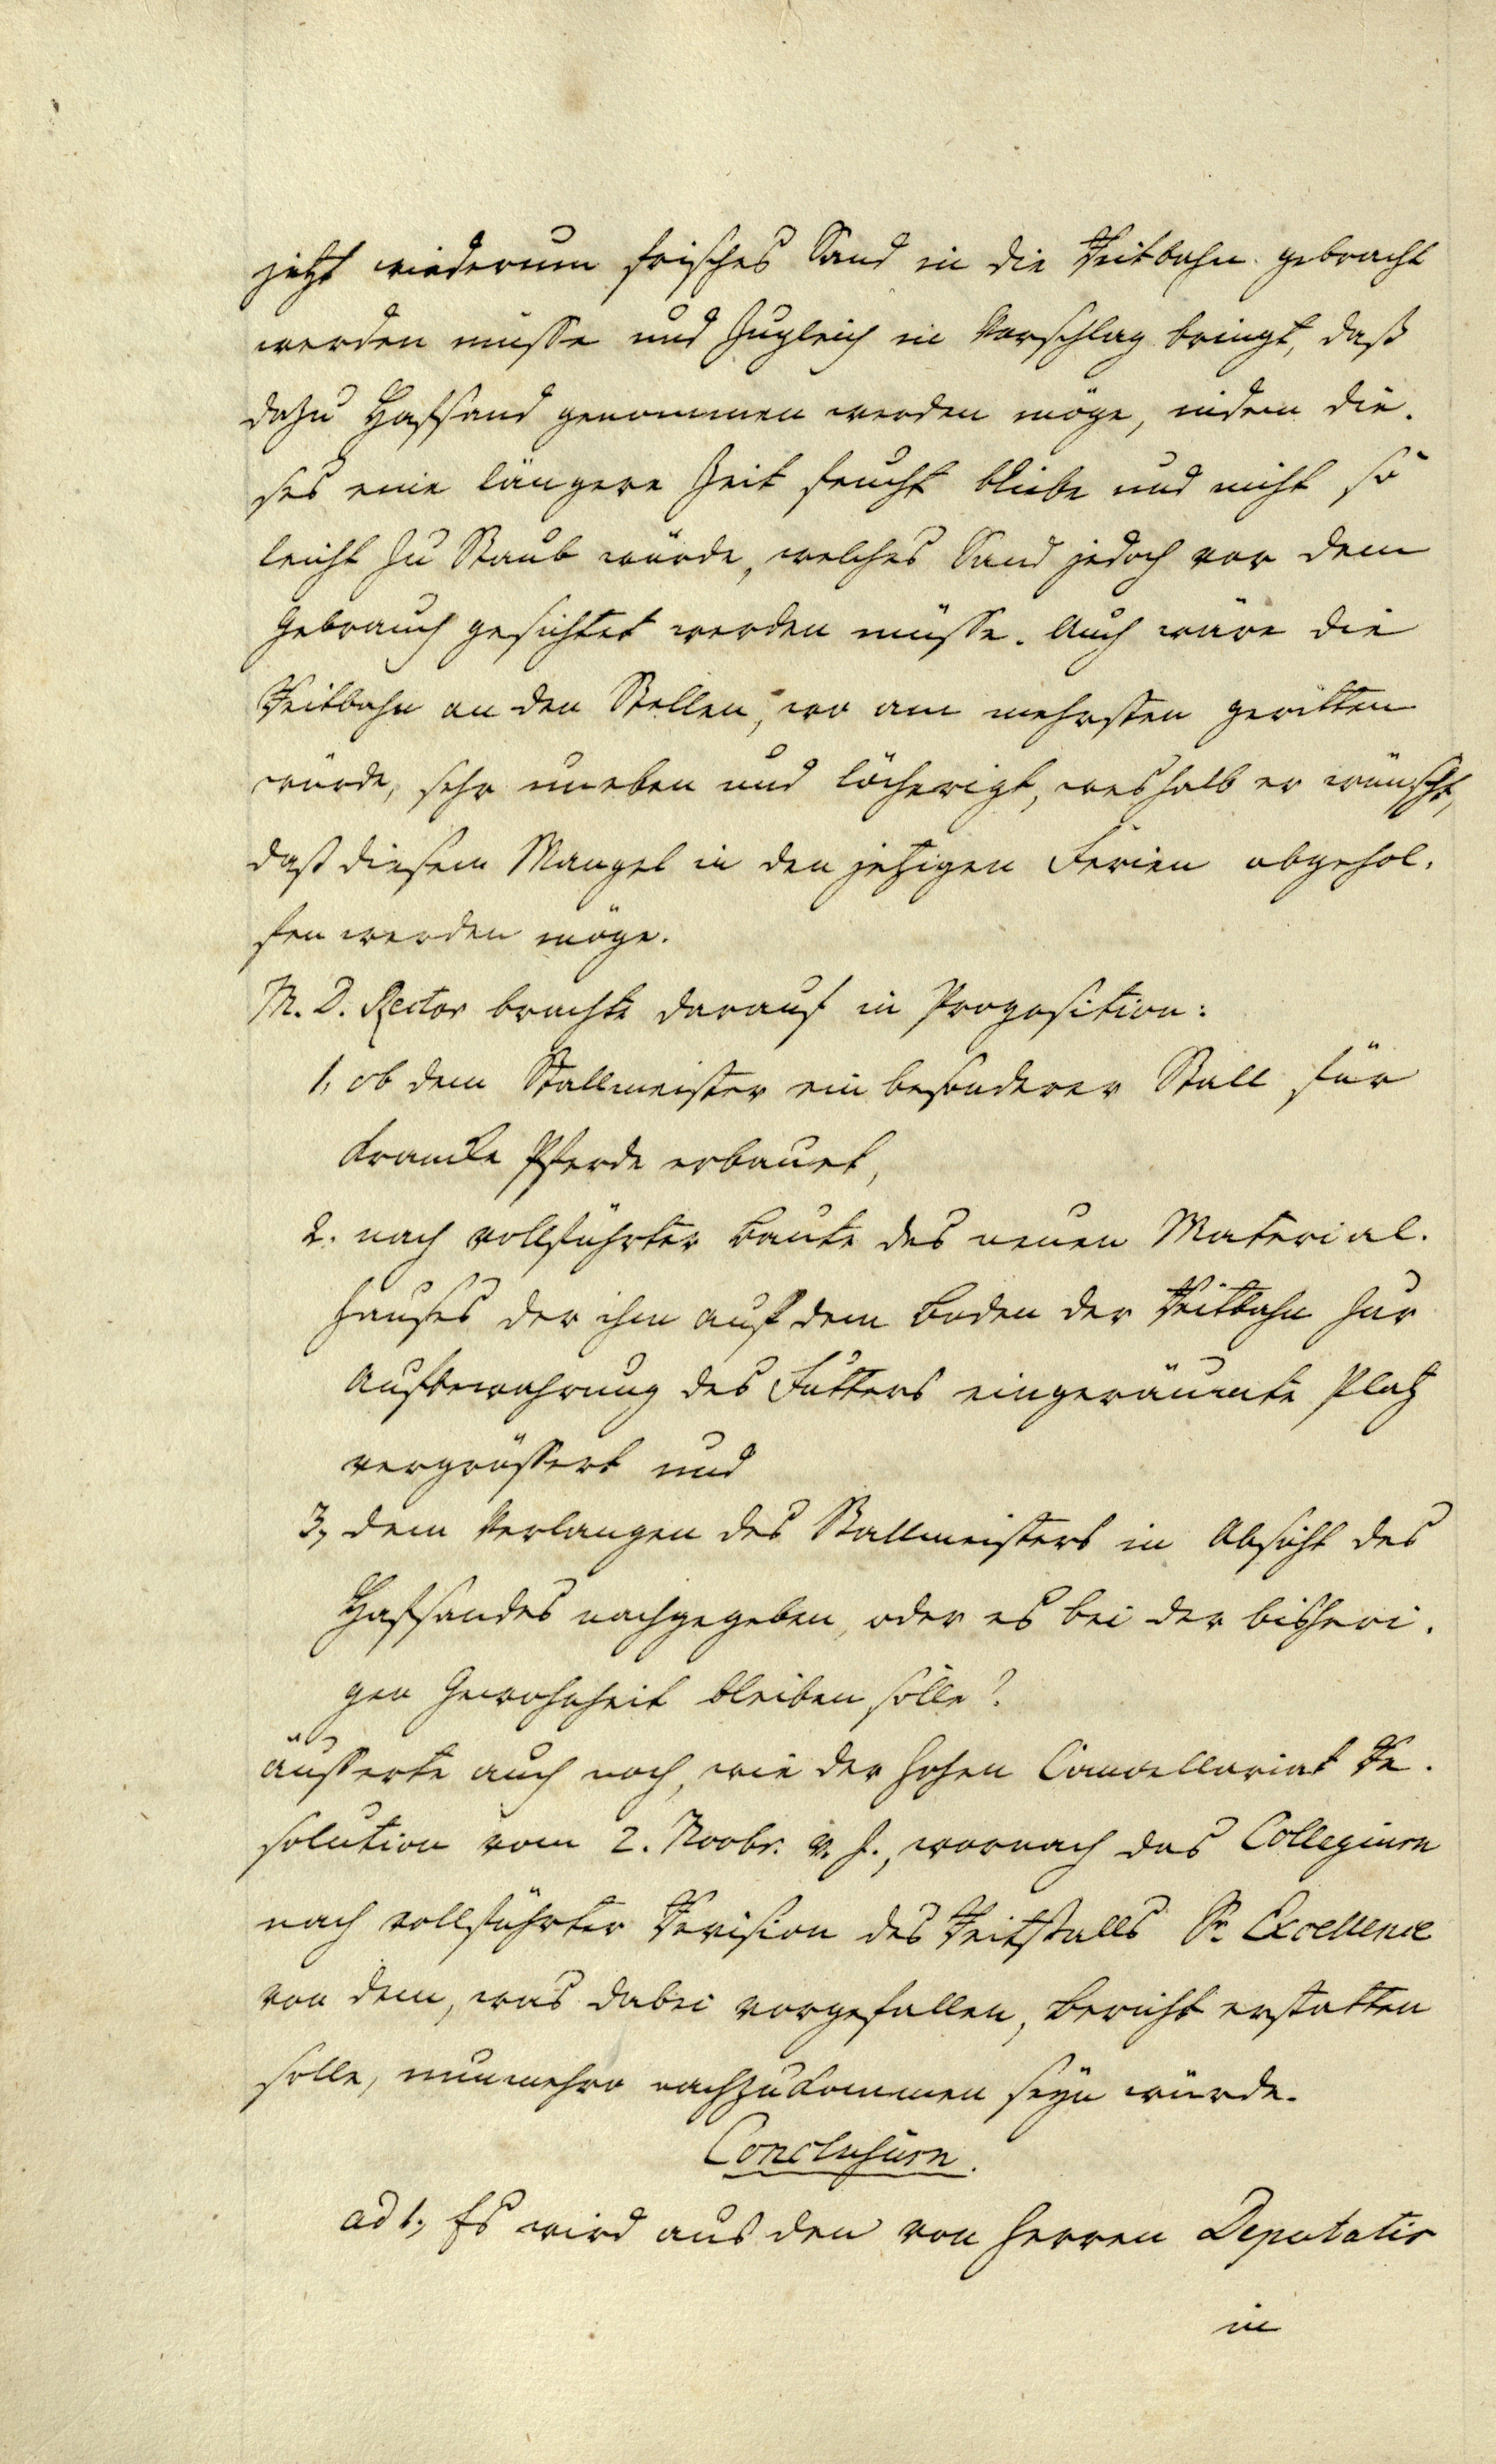jetzt wiederum frischer Sand in die Reitbahn gebracht
werden müsse und zugleich in Vorschlag bringt, daß
dazu Hafsand genommen werden möge, indem die¬
ses eine längere Zeit feucht bleibe und nicht so
leicht zu Staub würde, welcher Sand jedoch vor dem
Gebrauch gesichtet werden müsse. Auch wäre die
Reitbahn an den Stellen, wo am mehrsten geritten
würde, sehr uneben und löcherigt, weshalb er wünscht,
daß diesem Mangel in den jetzigen Ferien abgehol¬
fen werden möge.
M. D. Rector brachte darauf in Proposition:
1, ob dem Stallmeister ein besonderer Stall für
krancke Pferde erbauet,
2. nach vollführter Baute des neuen Material¬
hauses der ihm auf dem Boden der Reitbahn zur
Aufbewahrung des Futters eingeräumte Platz
vergrössert und
3., dem Verlangen des Stallmeisters in Absicht des
Hafsandes nachgegeben, oder es bei der bisheri¬
gen Gewohnheit bleiben solle?
äusserte auch noch, wie der hohen Cancellariat Re¬
solution vom 2. Novbr. v. J., wornach das Collegium
nach vollführter Revision des Reitstalls Sr Excellence
von dem, was dabei vorgefallen, Bericht erstatten
solle, nunmehro nachzukommen seÿn würde.
Conclusum.
ad 1., Es wird aus den von Herren Deputatis
in